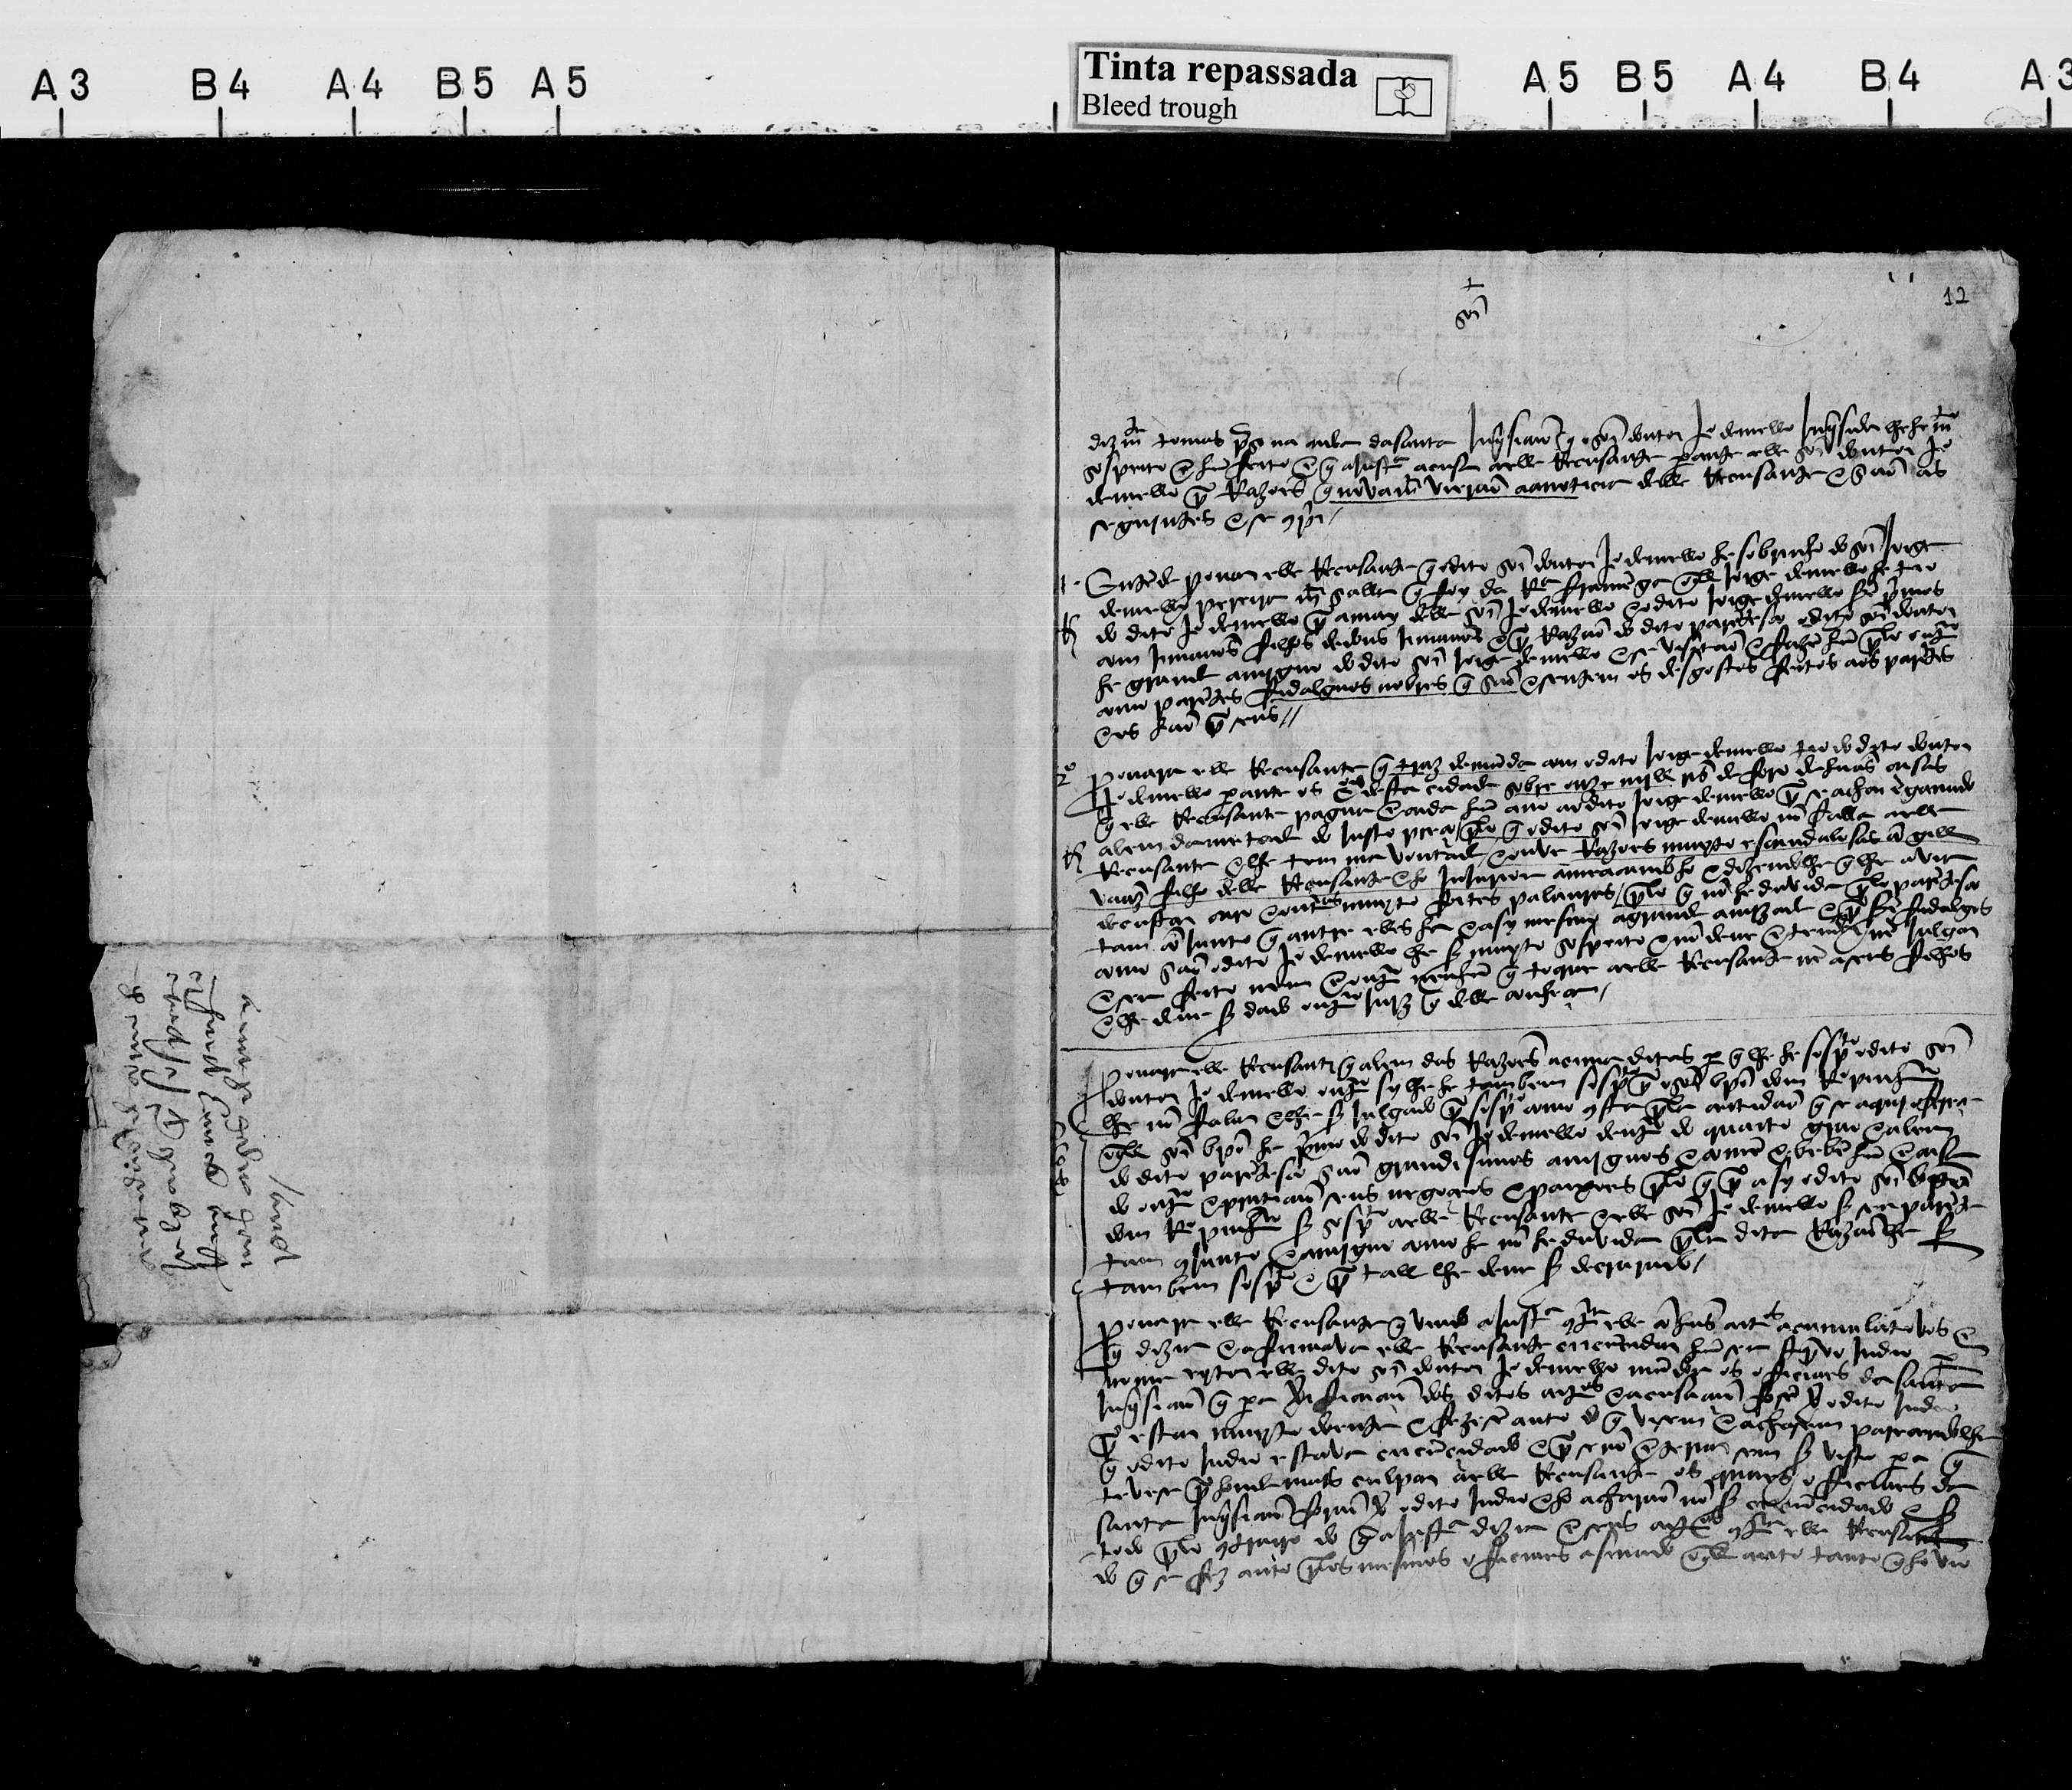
certidaõ de como he
Julgado p̄o sospeito
Ruy gomez pinhro
nos casos de mey
pay /
sor̄
diz mte tomas p̄so na cadea da santa Jnqisiçaõ q̄ o sor̄ doutor Jo de mello Jnq̄sidor lhe he mto
sospeito ē hū feito ē q̄ a Justa acusa a elle Recusante ꝑante elle sor̄ doutor Jo
de mello p̄o Razões q̄ novamte vieraõ aa noticia delle Recusante e saõ as
segujntes e se ꝯpir /
1. Entēde ꝓouar elle Recusante q̄ o dito sor̄ doutor Jo de mello he sobrinho do sor̄ Jorge
de mello pereira mte salla q̄ foy da Ra framēga o q̄ll Jorge de mello he tio
do dito Jo de mello p̄o a may delle sor̄ Jo de mello e o dito Jorge de mello ꞩē pimos
com Jrmaaõs filhos de dous Jrmaaõs e p̄o Razaõ do dito par̄etesco o dito sor̄ doutor
he grande amjguo do dito sor̄ Jorge de mello e se visitaõ e fazē hū p̄lo outro
como parētes fidalguos nobres q̄ saõ e sentem os desgostos feitos aos parētes
e os haõ p̄o seus //
2o Ꝓouara elle Recusante q̄ traz demāda com o dito Jorge de mello tio do dito doutor
Jo de mello ꝑante os Cos desta cidade sobre onze mjll rrs̄ de foro de huas̄ casas
q̄ elle Recusante pagua ē cada hū ano ao dito Jorge de mello p̄o se achar ēganado
alem da metado do Justo preço p̄lo q̄ o dito sor̄ Jorge de mello nō falla a elle
Recusante e lhe tem ma vontade / e ouve Razoes muyto escandalosas cō gill
vaaz̄ filho delle Recusante e ho JnJuriou ameaçando ho e dizendolhe q̄ lhe avia
de custar caro e outras muyto fortes palauras / p̄lo q̄ nō he duvida p̄lo parētesco
tam cōJunto q̄ antre eles ha e asy mesmo a grande amjzade e p̄o ꞩē fidalgos
como são o dito Jo de mello lhe ꞩ muyto sospeito e nō deue ētender nē Julgar
ē seu feito nem ē outro nenhū q̄ toque a elle Recusante nē a seus filhos
e lhe deue ꞩ dado outro Jujz q̄ delle conheça /
Ꝓouara elle Recusante q̄ alem das Razoẽs acima ditas ꝑ q̄ lhe he sospto o dito sor̄
doutor Jo de mello outro sy lhe he tambem sospto p̄o o sor̄ bpō dom Ro pinhro
lhe nō falar e lhe ꞩ Julgado p̄o sospto como ꝯsta p̄la certidaõ q̄ se aquj oferece
o q̄ll sor̄ bpō he pimo do dito sor̄ Jo de mello dentro do quarto grao e alem
do dito parētesco saõ grandisimos amjguos e comē e bebē hū ē casa
do outro e praticaõ seus negoceos e paixoes p̄lo q̄ p̄o asy o dito sor̄ bpō
dom Ro pinhro ꞩ sospto a elle Recusante e elle sor̄ Jo de mello ꞩ seu parēte
tam ꝯJunto e amjguo como he nō he duvida p̄la dita Razaõ lhe ꞩ
tambem sospto e p̄o tall lhe deue ꞩ decrarado /
Ꝓouara elle Recusante q̄ vindo a Justa ꝯtra elle cō hus̄ artos acumulativos ē
q̄ dizia e afirmava elle Recusante circūcidar hū seu stp̄vo Jndio ꝑ
nome eytor elle dito sor̄ doutor Jo de mello mādou os oficiaes da santa
Jnq̄siçaõ q̄ ꝑa ꝟificaçaõ dos ditos artos e acusaçaõ fosē ꝟ o dito Jndio
p̄o estar muyto doente e fezesē auto do q̄ visem e achasem parecendolhe
q̄ o dito Jndio estava circūcidado e p̄o se nō ēterrar sem ꞩ visto ꝑa q̄
tevese p̄o honde mais culpar a elle Recusante os quays oficiaes da
santa Jnqisiçaõ foraõ ꝟ o dito Jndio e ho acharaõ nō ꞩ circūcidado e ꞩ
todo p̄lo ꝯtrairo do q̄ a Justa dizia ē seus artos ꝯtra elle Recusante
do q̄ se fez auto p̄los mesmos oficiaes asinado o q̄ll auto tanto q̄ ho vio
